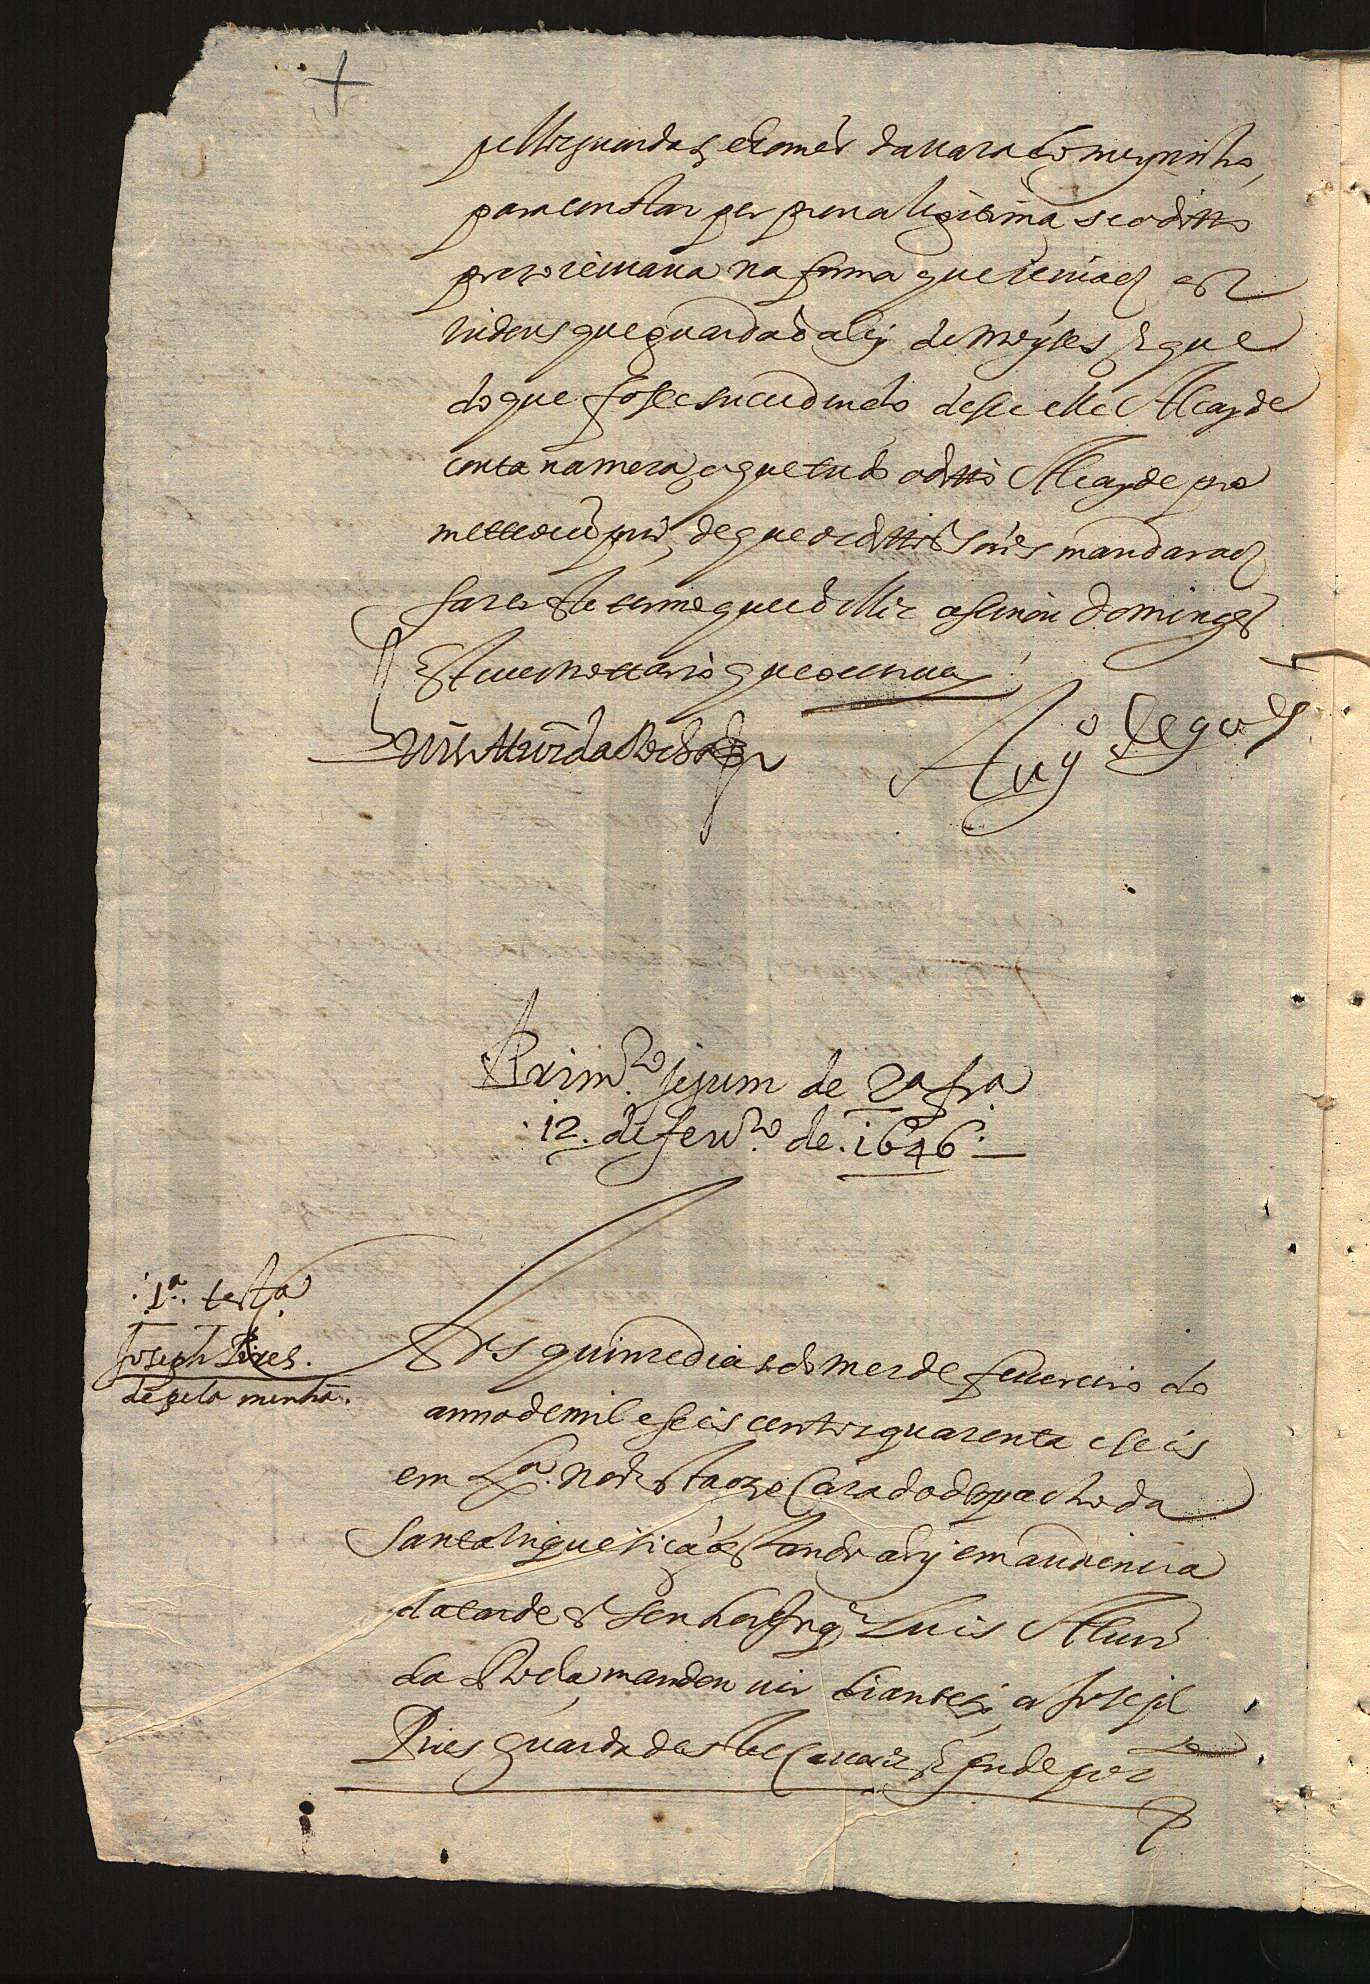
1.ª testa.
Joseph Pires.
de pela menhã.
pellos guardas e homes̄ da uara do meyrinho,
para constar per proua legitima se o ditto
prezo ieiuaua na forma que ieiuaõ os
iudeus que guardaõ a ley de moyses E que
do que fose succedendo desse elle Alcayde
conta na meza e que tudo o ditto Alcayde pro
metteo cōprir, de que os dittos sores mandaraõ
fazer este termo que cō elles assinou domingos
Esteues nottario que o escreuj.
Prim.ro jejum de 2a fr.a
i2 de feu.ro de i646
Aos quinze dias do mes de feuereiro do
anno de mil e seiscentos quarenta e seis
em Lxa. nos Estaoz e Caza do despacho da
Santa Inquesicaõ estando ahy em audiencia
da tarde o senhor Jnqor luis Alurz̄
da Rocha, mandou uir diante sy a Joseph
Pires guarda deste Carcere, E sendo prez
